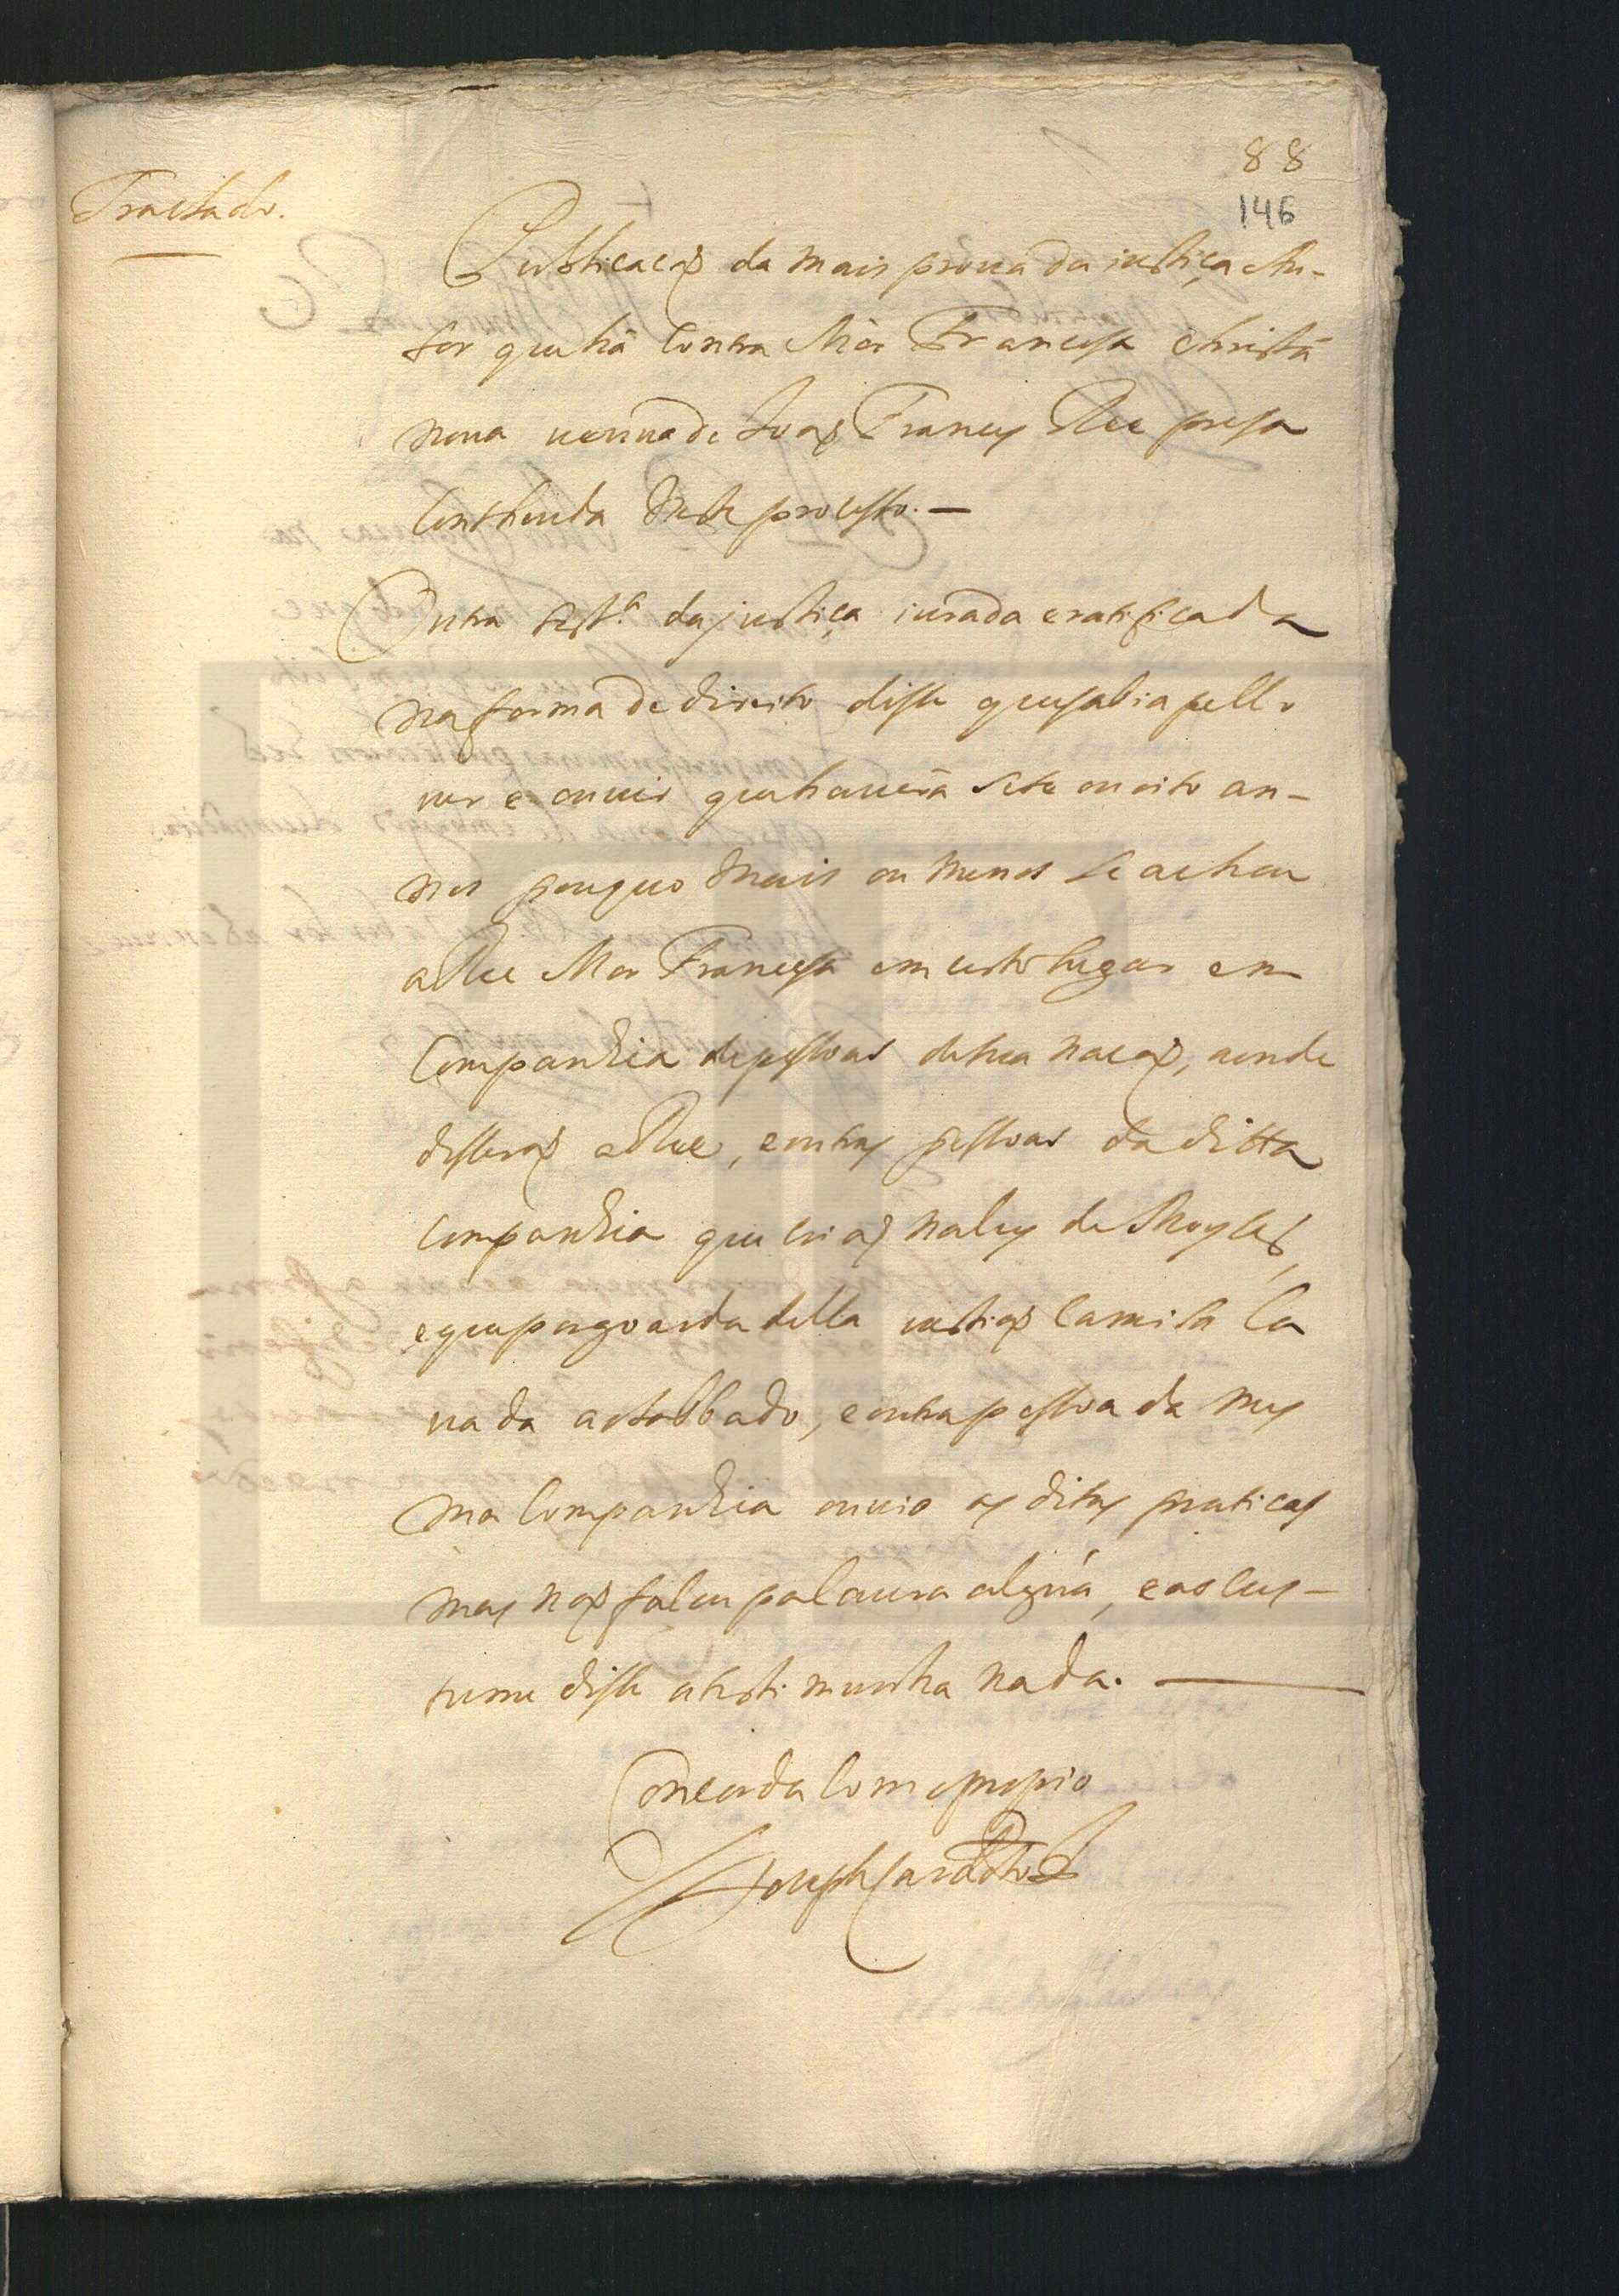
Traslado.
Publicaçaõ da mais proua da iustiça Au
tor que há contra Mór Francesa christã
noua ueuua de Ioaõ Frances Ree presa
Contheuda neste processo.
Outra test.a da justiça iurada e ratificada
na forma de direito disse que sabia pello
uer e ouuir que hauerá sete ou oito an
nos pouquo mais ou menos se achou
a Ree Mor Francesa em certo lugar em
Companhia de pessoas de sua naçaõ, aonde
disseraõ a Ree, e outras pessoas da ditta
companhia que criaõ na ley de Moyses
e que por goarda della uestiaõ Camisa la
uada ao sabbado, e outra pessoa da mes
ma Companhia ouuio as ditas praticas
mas naõ falou palaura alguā, e as cus
tume disse a testemunha nada.
Concorda Com o propio
Jozeph Cardoso
